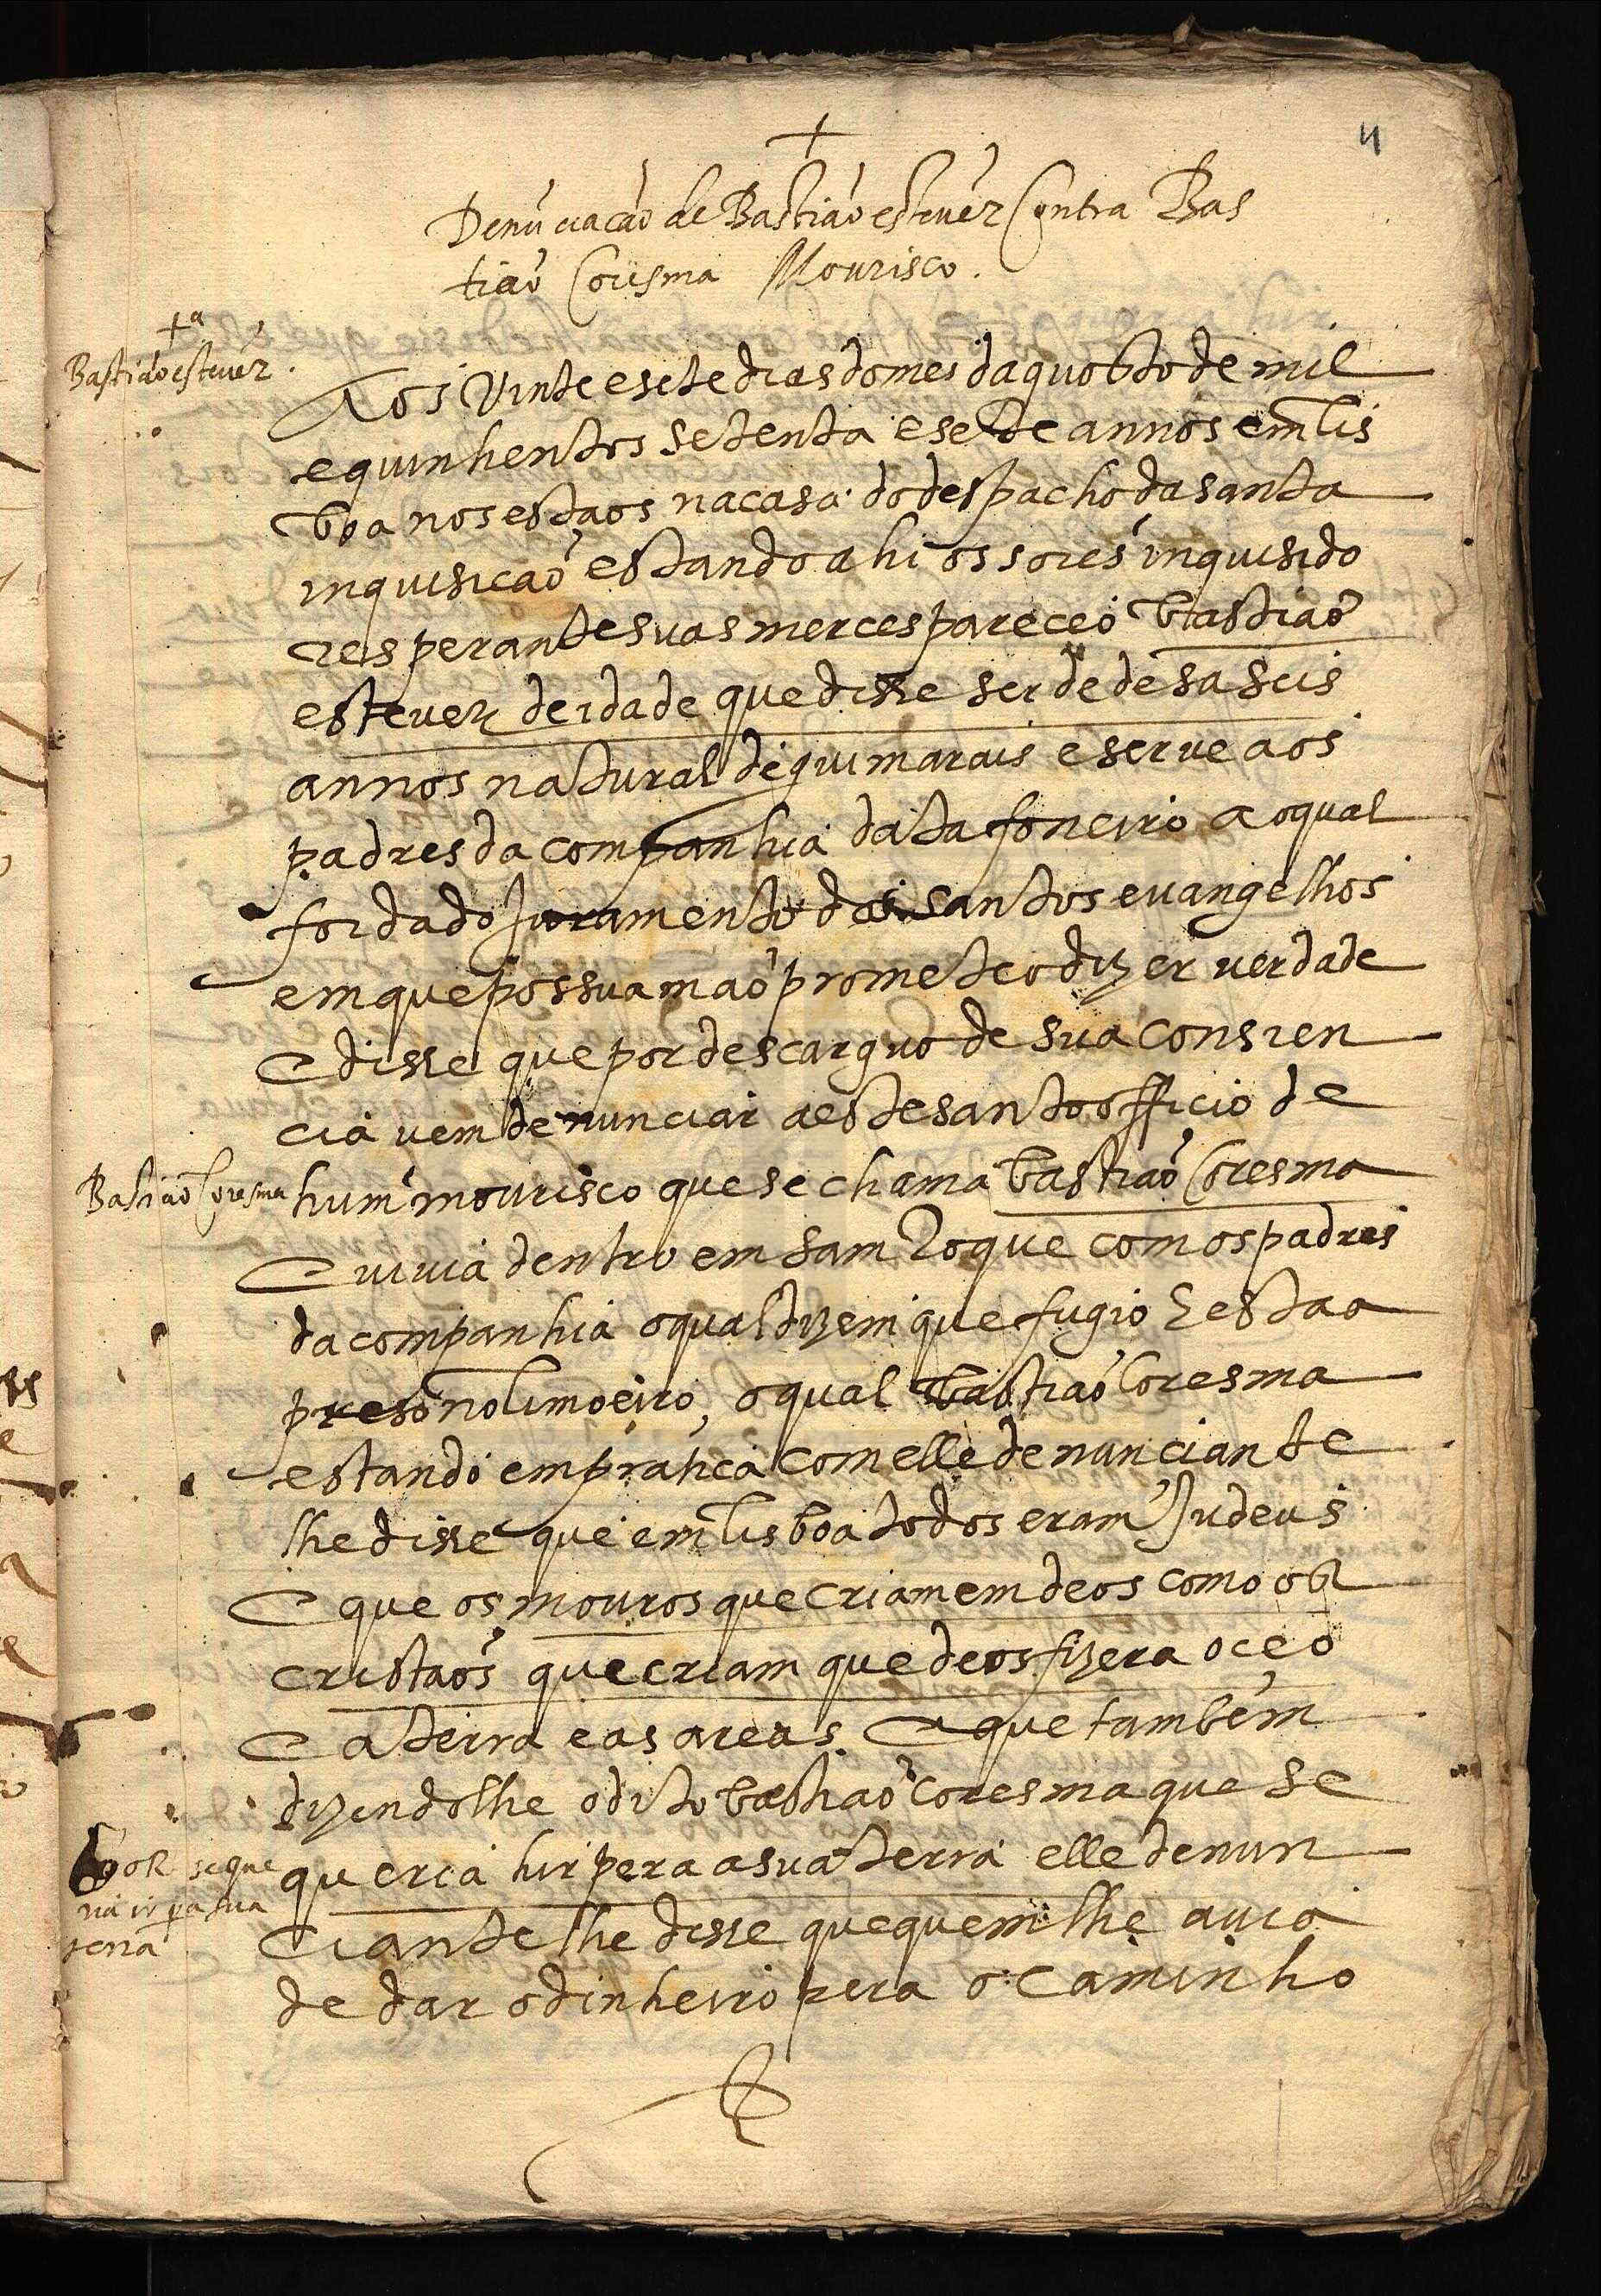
ta.
Bastião esteuēz.
Bastiaõ Coresma
q̄ o R. se que
ria ir ꝑa sua
terra
Denūciacão de Bastiaõ esteuēz Contra Bas
tiaõ Coresma Mourisco.
Aos vinte e sete dias do mes daguosto de mil
e quinhentos setenta e sete annos em lis
boa nos estaos na casa do despacho da santa
inquisicaõ estando ahi os sores̄ inquisido
res perante suas merces pareçeo bastiaõ
esteuez de idade que disse ser de desaseis
annos natural de guimarais e serue aos
padres da companhia datafoneiro ao qual
foi dado Juramento dos santos euangelhos
em que pos sua maõ prometeo dizer uerdade
e disse que por descarguo de sua consien
cia uem denunciar a este santo officio de
hum mourisco que se chama bastiaõ Coresma
E uiuia dentro em sam Roque com os padres
da companhia o qual dizem que fugio E estaa
preso no limoeiro, o qual bastiaõ Coresma
estando em pratica com elle denunçiante
lhe disse que em lisboa todos eram Judeus
e que os mouros que criam em deos como os
cristaos̄ que criam que deos fizera o çeo
e a terra e as areas E que tambem
dizendolhe o dito bastiaõ coresma que se
queria hir pera a sua terra elle denun
ciante lhe disse que quem lhe auia
de dar o dinheiro pera o caminho
